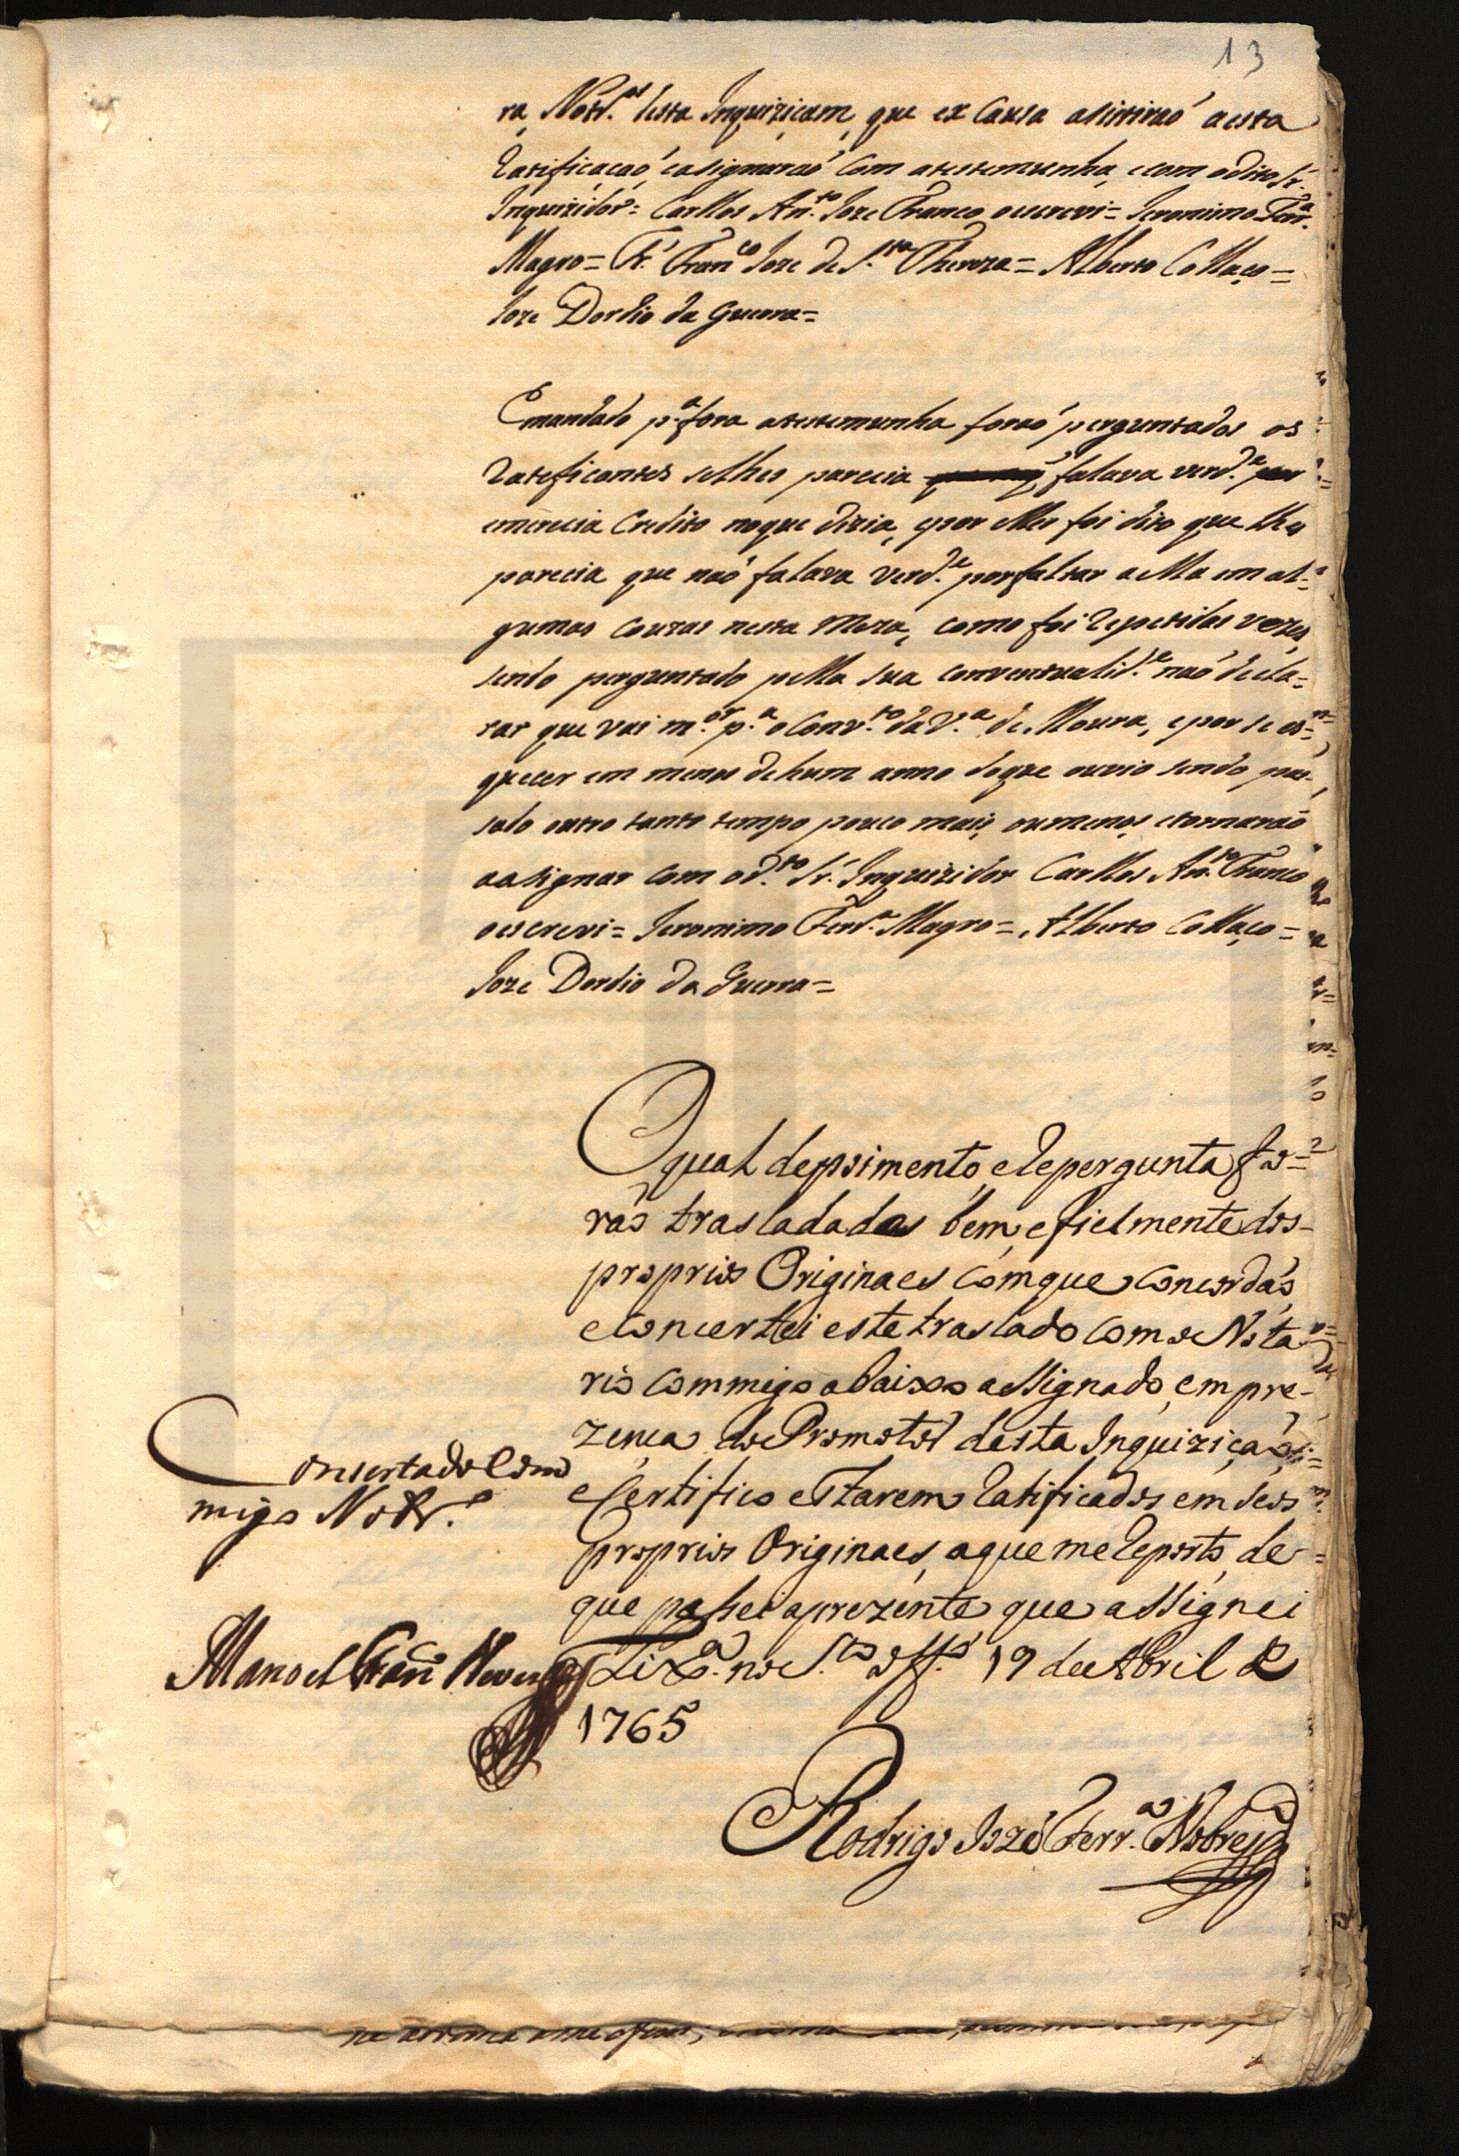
ra, Notr.o desta Inquiziçam, que ex Causa asistiraõ a esta
Ratificaçaõ, e asignaraõ Com a testemunha, e com o dito sr̄
Inquizidor = Carllos An.to Ioze Franco o escrevi = Ieronimo Ferr.a
Magro = Fr̄ Fran.co Ioze de S.ta Thereza = Alberto Collaço =
Ioze Dordio da Guerra =
E mandado p.a fora a testemunha foraõ perguntados os
Rateficantes se lhes parecia _ falava verd.e
e merecia Credito no que dizia, e por elles foi dito que lhes
parecia que naõ falava verd.e por faltar a ella em al
gumas couzas nesta Meza, como foi Repetidas vezes,
sendo perguntado pella sua conventualid.e naõ decla
rar que vai m.or p.a o Conv.to da V.a de Moura, e por se es
quecer em menos de hum anno do que ouvio sendo pas
sado outro tanto tempo pouco mais, ou menos, e tornaraõ
a asignar com o dito Sr̄ Inquizidor Carllos An.to Franco
o escrevi = Ieronimo Ferr.a Magro = Alberto Collaço =
Ioze Dordio da Guerra =
O qual depoimento, e Repergunta fo
raõ trasladados, bem e fielmente dos
proprios Originaes com que concordaõ,
e concertei este traslado Com o Nota
rio Commigo abaixo assignado, em pre
zença do Promotor desta Inquiziçaõ
Consertado Com
migo Notr.o
e Certifico estarem Ratificados em seos
proprios Originaes, a que me Reporto, de
que passei a prezente que assignei
Lix.a no S.to off.o 19 de Abril d̄
1765
Manoel Fran.co Neves
Rodrigo Iozé Ferr.a Nobre
